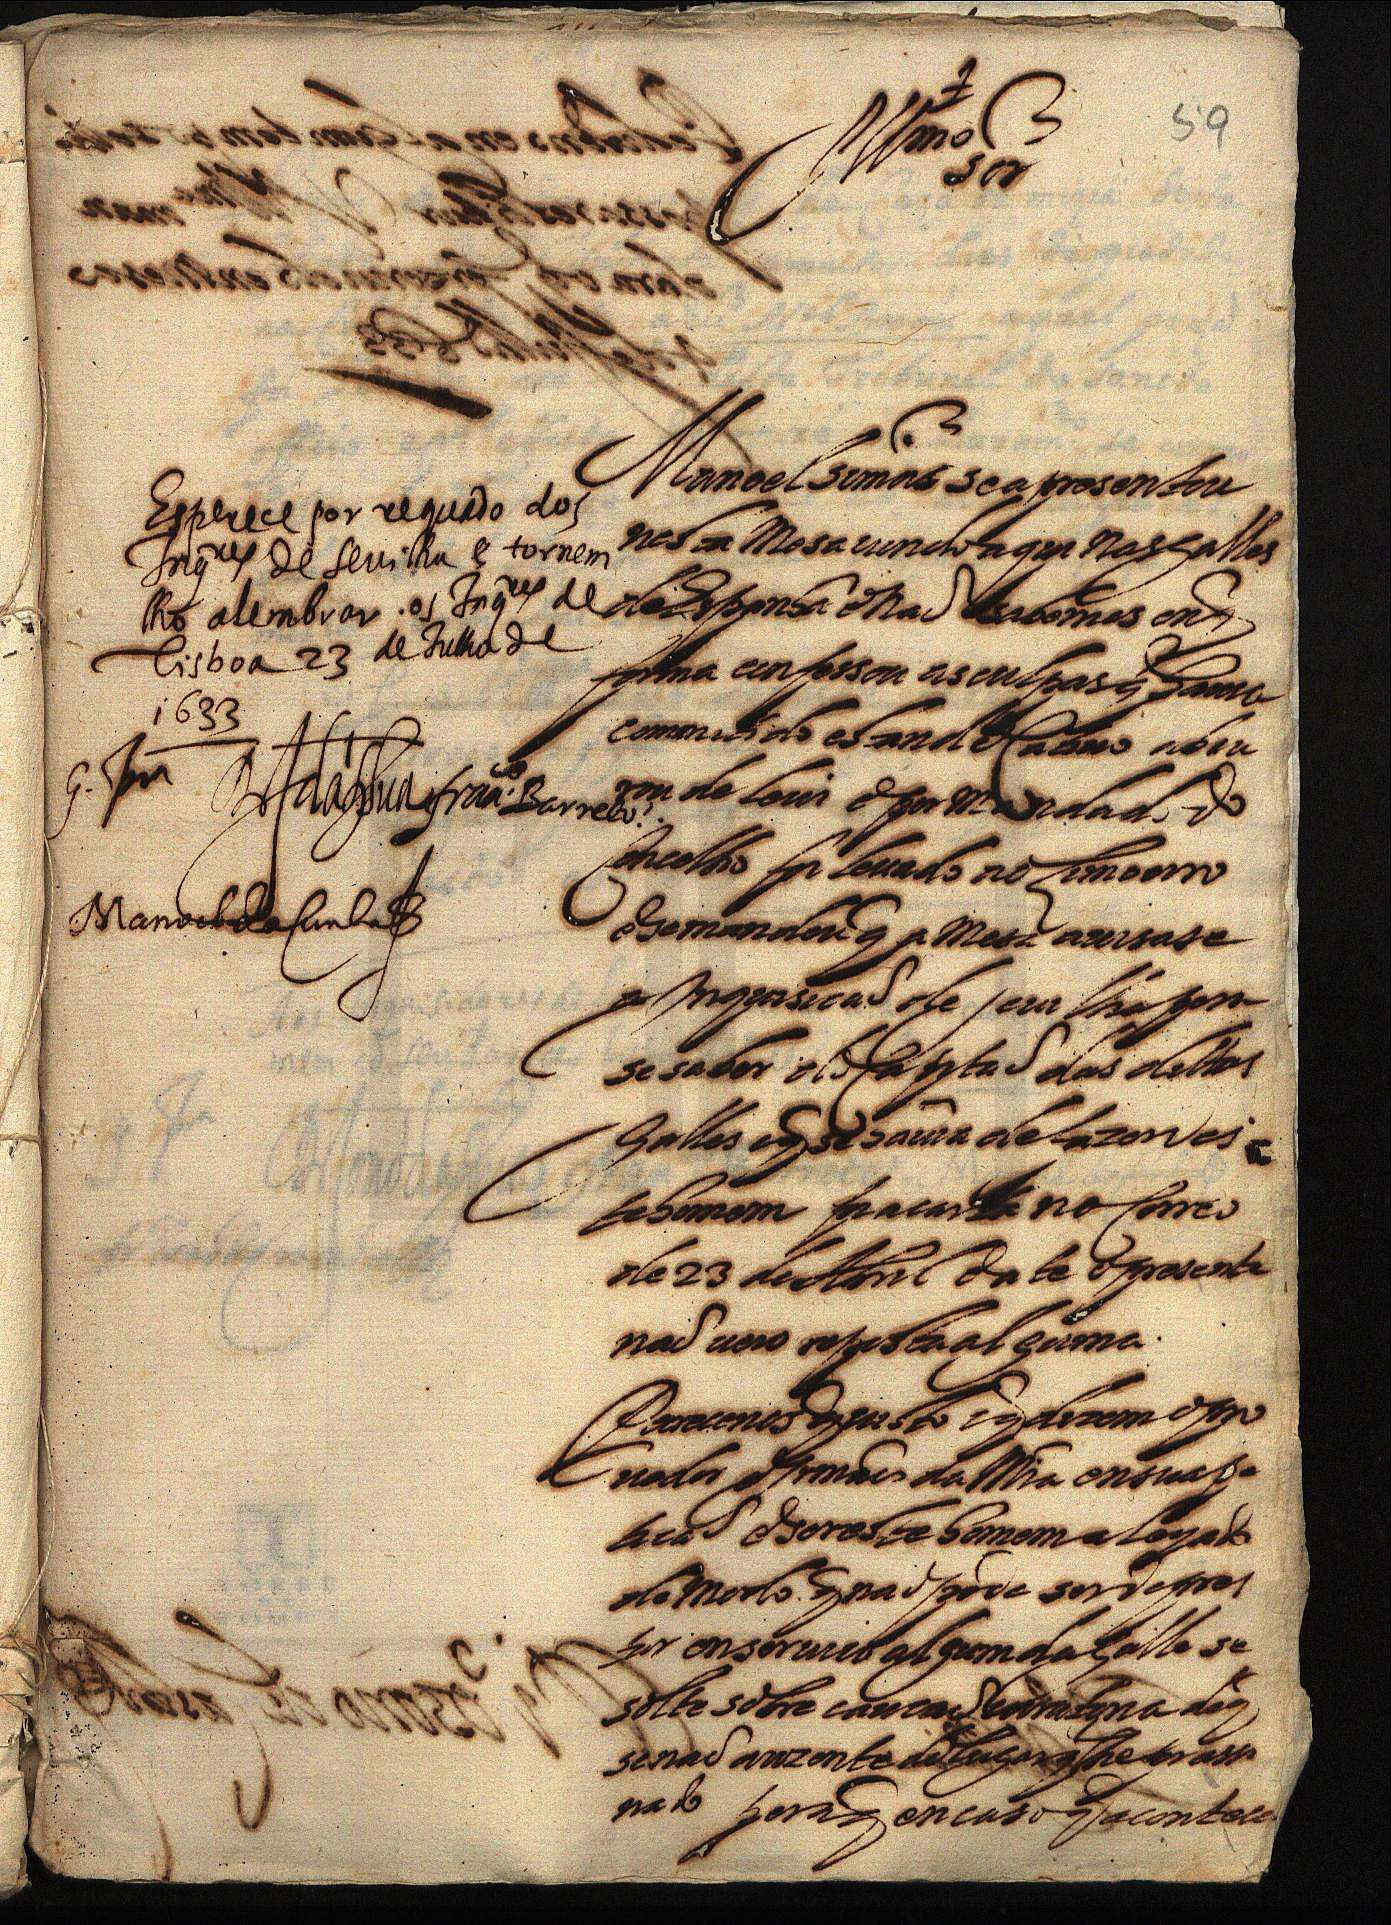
Jllm̄o
sōr
Manoel simoĩs se apresentou
nesta Mesa uindo aqui nas galles
de Espanha e naõ sabemos en q̄
forma confessou as culpas q̄ hauia
commetido estando Catiuo abiu
rou de leui e por mandado do
Concelho foi leuado no Limoeiro
e ho mandou q̄ a mesa auisase
a Jnquisiçaõ de seuilha pera
se saber do Capitaõ das dittas
Galles e q̄ se o auia de fazer a es
te homem pra carta no Correo
de 23 de Abril e ate o presente
naõ ueio reposta alguma.
Parecenos q̄ uisto o q̄ dizem o pro
uedor e Jrmaõs da Miā en sua pe
tiçaõ e ser este homem aleyado
de modo q̄ naõ pode ser de pres
tar en seruiço algum da Galle se
solte sobre cauçaõ iuratoria de q̄
se naõ auzente do lugar q̄ lhe for assi
nado pera q̄ en caso q̄ acontece
Esperece por requado dos
Inqres de seuilha e tornem
lho a lembrar os Inqres de
lisboa 23 de Iulho de
i633
